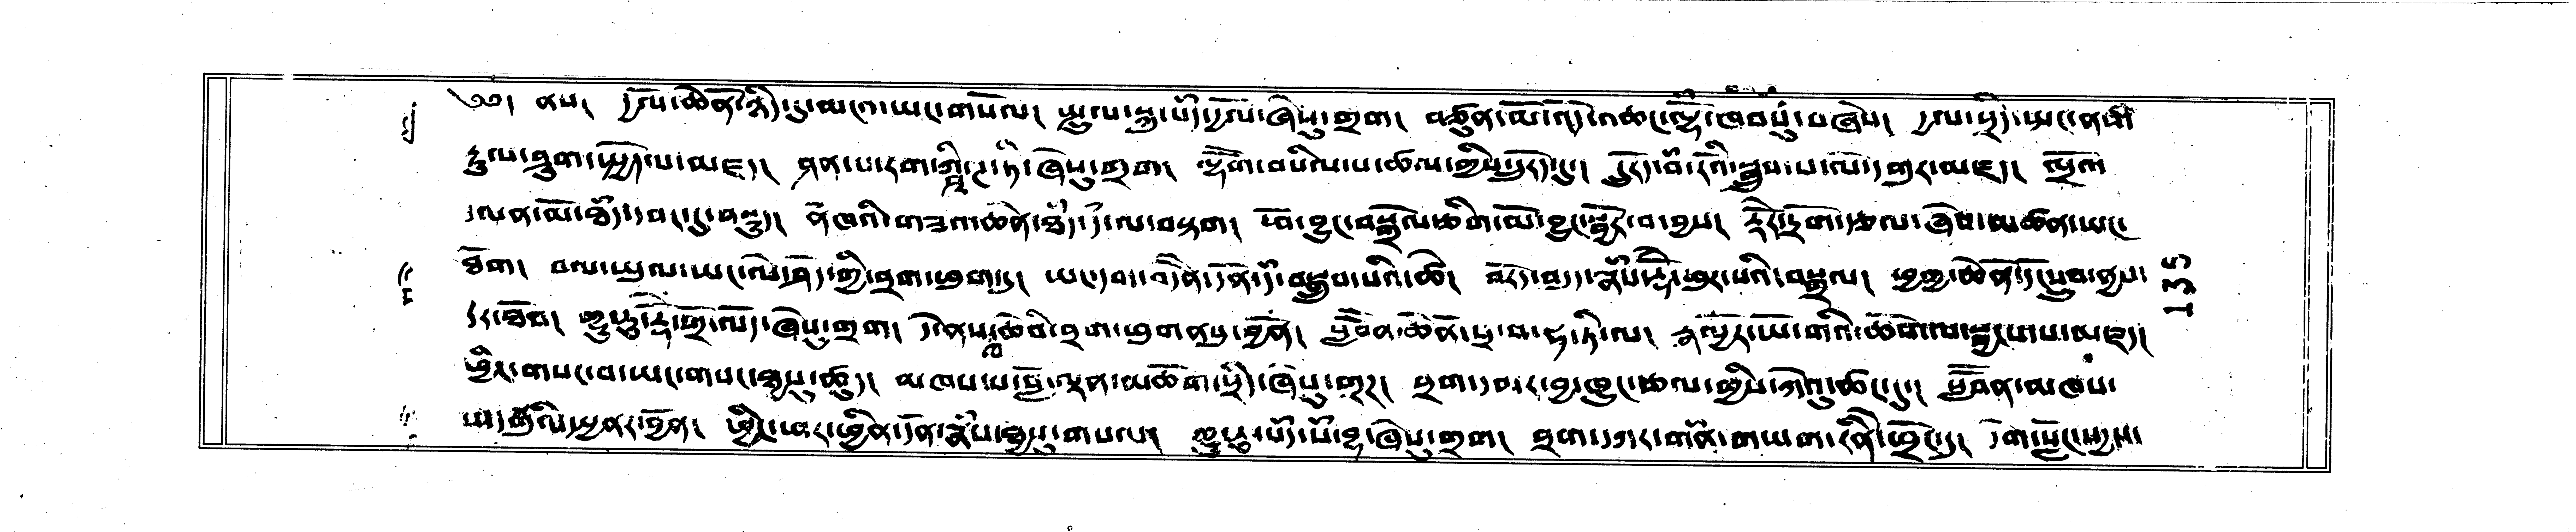ནས། རྒྱལ་པོ་ཆེན་པོ་ཉིད་དུ་མངའ་ཡང་གསོལ། སྤྲུལ་སྐུ་པད་མ་རྒྱལ་པོ་ཞེས་སུ་གྲགས། བཙུན་མོ་འོད་འཆང་ལྷ་མོ་ཁབ་ཏུ་བཞེས། རྒྱལ་སྲིད་སྤངས་ནས་
རྟུལ་ཞུགས་སྤྱོད་པ་མཛད། ཤན་པ་རཀྵི་ཏི་ཞེས་གྲགས། ལྷོ་ཕྱོགས་བསིལ་པ་ཚལ་གྱི་དུར་ཁྲོད་དུ། དུར་ཁྲོད་བམ་རོའི་སྒྲུབ་པ་ལོ་དགུར་མཛད། མཁའ་འགྲོ་
དམན་མོ་ཐམས་ཅད་དབང་དུ་བསྡུད། ནམ་མཁའི་གཟའ་ཆེན་ཐམས་ཅད་དམ་ལ་བཏགས། ཕོ་བྱུང་སྒྲོལ་ཅིང་མོ་བྱུང་སྦྱོར་བ་བྱས། རྡོ་རྗེ་དྲག་པོ་རྩལ་ཞེས་མཚན་ཡང་
ཐོགས། བལ་ཡུལ་ཡང་ལེ་ཤོད་ཀྱི་བྲག་ཕུག་ཏུ། ཡང་དག་བདེ་ཆེན་དོན་དམ་བསྒྲུབ་པའི་ཚེ། བར་ཆོད་བདུད་རྣམས་རྡོ་རྗེ་ཕུར་པས་བསྒྲལ། ཕྱག་རྒྱ་ཆེན་པོ་དངོས་གྲུབ་གནས་
དེར་ཐོབ། གྷུ་རུ་རྡོ་རྗེ་གྲོ་ལོད་ཞེས་སུ་གྲགས། དེ་ནས་ཁ་ཆེའི་བྲག་ཕུག་གནས་སུ་བྱོན། སློབ་དཔོན་ཆེན་པོ་པྲ་བྷ་ཧ་ཏི་ལ། རྣལ་འབྱོར་ཡོ་གའི་ཆོས་ལ་སྦྱངས་པ་མཛད། 
ཕྱི་ནང་གསང་བ་ཡང་གསང་ཐུགས་སུ་ཆུད། མཁས་པ་བློ་ལྡན་མཆོག་སྲེད་ཅེས་སུ་གྲགས། བྲག་དམར་བྱ་ཁྱུང་ཚལ་གྱི་ཀེའུ་ཚང་དུ། སློབ་དཔོན་མཁས་
པ་དགུའི་སྤྱན་སྔར་བྱོན། ཕྱི་ནང་ཕར་ཕྱིན་དོན་རྣམས་ཐུགས་སུ་གསལ། གྷུ་རུ་པདྨ་སཾ་བྷ་ཞེས་སུ་གྲགས། བྲག་དཀར་གནམ་གཡག་རིན་ཆེན་ཕོ་བྲང་དུ། དགེ་སློང་སངས་རྒྱས་